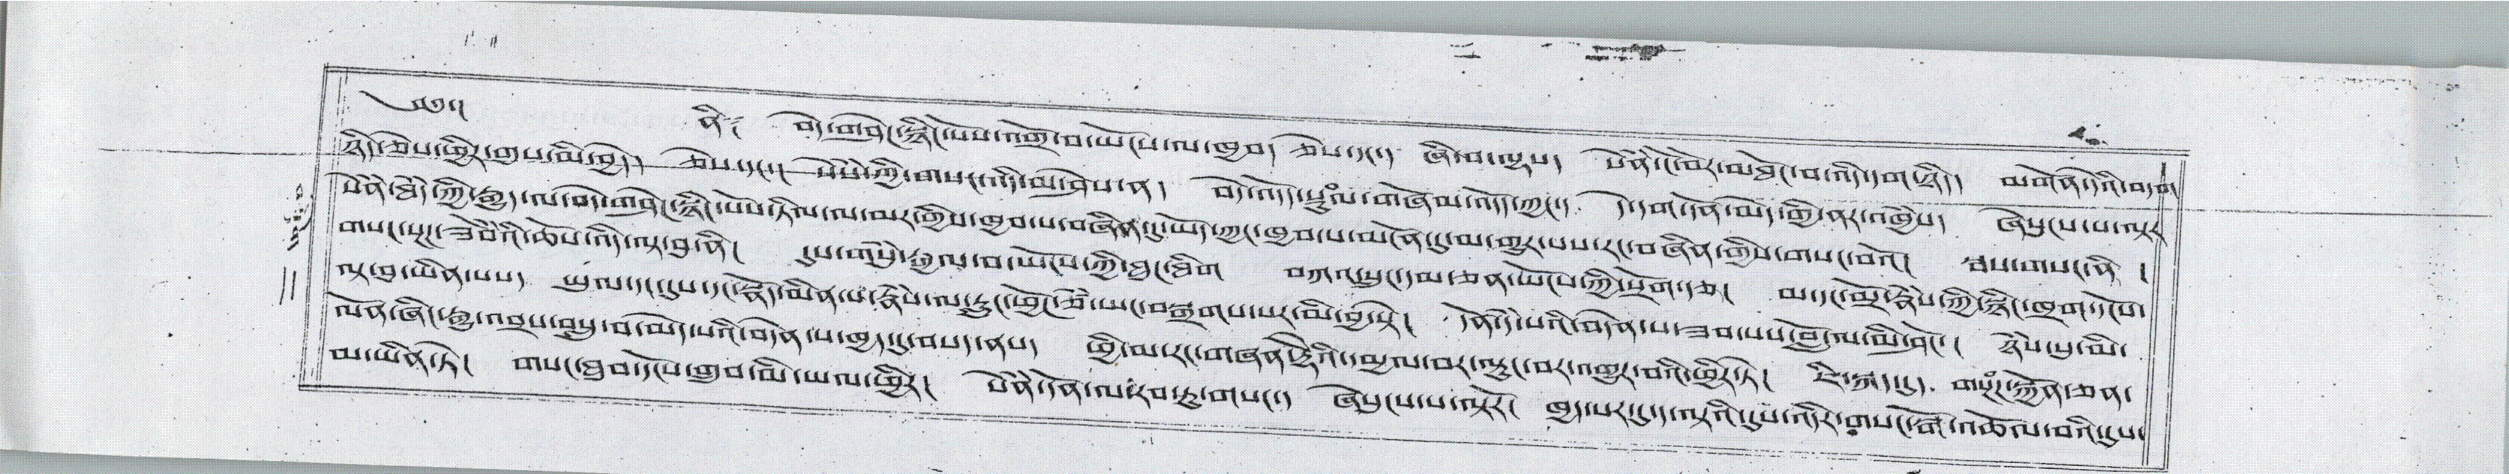ནི། བདེར་གཤེགས་སྙིང་པོས་འགྲོ་བ་ཡོངས་ལ་ཁྱབ། ཅེས་དང་། ཞི་བ་ལྷས། སེམས་ཅན་ངོ་བོར་མཐོང་བ་དེ་དག་ཉིད། མགོན་དེའི་བདག་
ཉིད་ཅེས་ཕྱིར་གུས་མི་བྱེད། ཅེས་དང་། སེམས་ཀྱི་གསང་འདི་མ་ཤེས་ན། བདེ་འདོད་སྡུག་བསྔལ་གཞོམ་འདོད་ཀྱང་། དེ་དག་དོན་མེད་གྱི་ནར་འཁྱམས། ཞེས་གསུངས་པ་ལྟར། 
སེམས་ཅན་ཐམས་ཅད་ཀྱི་རྒྱུད་ལ་བདེར་གཤེགས་སྙིང་པོས་ཏིལ་ལ་མར་གྱིས་ཁྱབ་པ་བཞིན་དུ་ཡོད་ཀྱང་ཁྱབ་པ་མངོན་དུ་མ་གྱུར་པས་རང་བཞིན་གྱིས་གསང་བའོ། སྦས་གསང་ནི། 
གསང་སྔགས་ཟབ་མོའི་ཆོས་འདི་ལྟ་བུ་ནི། དུས་གསུམ་རྒྱལ་བ་ཡོངས་ཀྱི་ཐུགས་ཐིག བཀའ་སྲུང་དམ་ཅན་ཡོངས་ཀྱི་སྲོག་རྩ། མ་དང་མཁའ་འགྲོ་རྣམས་ཀྱི་སྙིང་ཁྲག་དངོས་
ལྟ་བུ་ཡིན་པས། ཡུལ་དང་དུས་དང་སྣོད་མིན་པ་རྣམས་ལ་རླུང་ཕྱོགས་ཙམ་ཡང་བསྒྲགས་པར་མི་བྱ་སྟེ། དོན་དམ་པའི་བདེན་པ་ཟབ་པས་བློ་ལ་མི་ཤོང་། ཉམས་སུ་མི་
ལོན་ཞིང་རྒྱུ་འབྲས་བསླུ་བ་མེད་པའི་བདེན་པ་ཁྱད་དུ་བསད་ནས། ཕྱི་མ་རང་གཞན་རྡོ་རྗེའི་དམྱལ་བར་ལྟུང་བར་འགྱུར་བའི་ཕྱིར་ཏེ། ཇི་སྐད་དུ། གསང་སྔགས་སྐྱོན་ཅན་
མ་ཡིན་ཏེ། གསང་ཐུབ་དངོས་གྲུབ་མི་ཡལ་ཕྱིར། སེམས་ཅན་དོན་ལ་རབ་ཏུ་གསང་། ཞེས་གསུངས་པ་ལྟར་རོ། ཁྱད་པར་དུ་ད་ལྟའི་དུས་འདིར་གསང་སྒོ་འཆོལ་བའི་དུས་